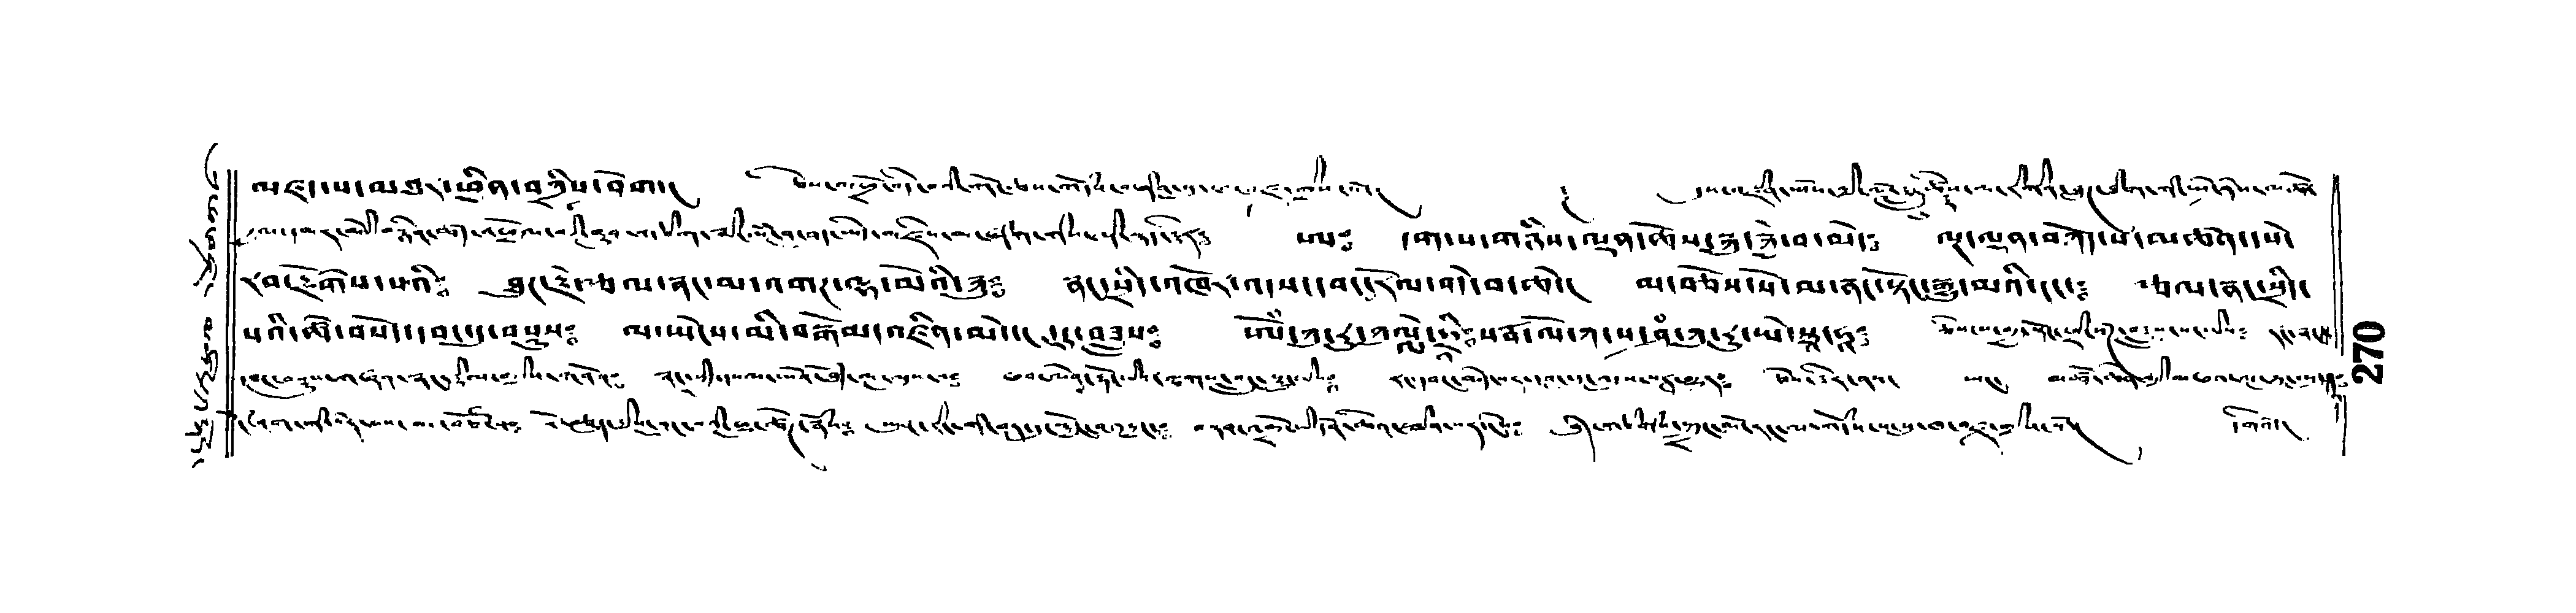མཛད་པ་མཐར་ཕྱིན་བཀྲ་ཤིས་ཤོག །ཅེས་མཁའ་འགྲོ་བདེ་བའི་གོ་ཆས་གདམས་བཞིན་སུ་ཁ་བཛྲ་གྱིས་སོ། ༈ དུས་འཛིན་ཡོས་ཀྱི་ལོ་ཟླ་དྲུག་པའི་ཚེས་གསུམ་ལ་རིག་འཛིན་ཐུགས་ཐིག་གི་ཡེ་ཤེས་མཚོ་
རྒྱལ་དམར་མོའི་བསྙེན་ཚད་སྐྱེལ་བའི་ནུབ་གཅིག་སྨི་ལམ་ན་བུད་མེད་མཛེས་མ་ཞིག་གིས་འདི་སྐད་ཟེར༔ཨཱཿ དག་པ་གཉིས་ལྡན་ཆོས་སྐུ་སྐྱེ་བ་མེད༔ ལྔ་ལྡན་བཀོད་པ་མཚན་དཔེ་
རབ་རྫོགས་པའི༔ ཐུགས་རྗེ་རྩལ་སྣང་མ་འགགས་ལྷ་མོའི་སྐུ༔ སྣང་སྲིད་འཁོར་འདས་དབང་རོལ་བདེ་བ་ཆེ༔ མ་བཅོས་སོ་མ་སྣང་སྟོང་སྒྱུ་མའི་ངང༔ རྩལ་སྣང་སྲིད་
པའི་ཚེ་བསོད་དབང་དུ་བསྡུས༔ མ་ཡེངས་མི་བསྒོམ་འཛིན་མེད་ངང་དུ་བཟླ༔ ཨོཾ་ཀུ་རུ་ཀུལླེ་ཧྲཱིཿསརྦ་ལོ་ཀ་པ་ཤཾ་ཀུ་རུ་ཡེ་སྭཱ་ཧཱཿ ཅེས་པ་བརྒྱ་སྟོང་ཁྲི་སོགས་བཟླས་པ་ཡིས༔ རང་སྣང་
དབང་བསྡུད་གཞན་སྣང་ཟིལ་གྱིས་གནོན༔ སྣང་སྲིད་དཔལ་ཡོན་ཐམས་ཅད་མ་ལུས་པ༔ ཁབ་ལེན་རྡོ་ཡིས་ལྕགས་བླང་ལྟ་བུ་ཡིས༔ རང་དབང་མེད་པར་དབང་དུ་འདུས་པར་གྱུར༔ ཅེས་ཟེར་ནས་ཡང༔ མཚོ་ཆེན་གྱི་མཁའ་ལ་ཀུ་མུད༔ 
ངམ་ནག་གི་སེར་བས་མ་བཅོམ་ན༔ རོ་བཅུད་ཀྱིས་བུང་བའི་ཁྱུ་ཚོགས་རྣམས༔ ཡུང་རིང་གི་བར་དུ་བསྐྱོང་ནས་བྱང༔ བསྟན་འགྲོ་ཡི་དོན་ཆེན་སྨིན་པར་ངེས༔ བུད་མེད་གཅིག་གིས་སྤྲང་མོ་རང་ལ་གདམས་པ་སུ་ཁ་བཛྲ་གྱིས་སོ།། དགེའོ།།